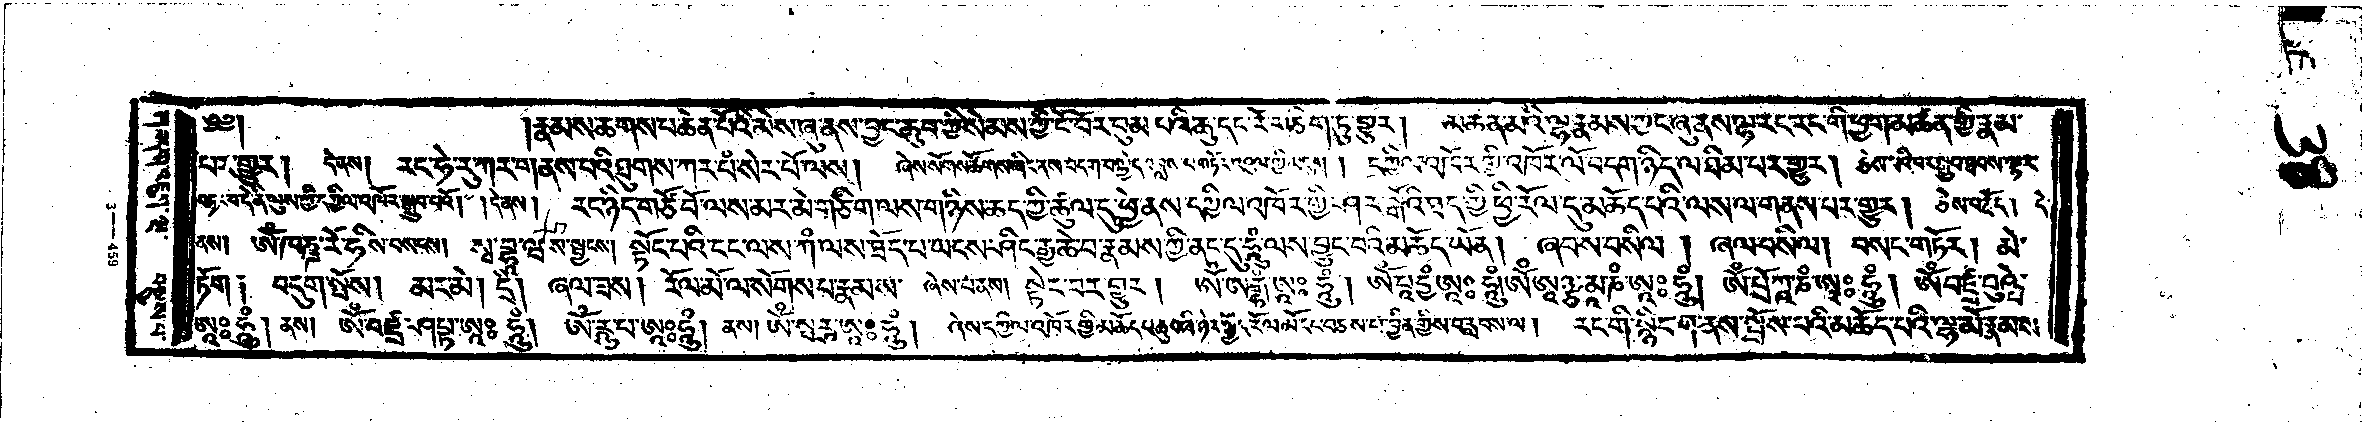༄༅། །རྣམས་ཆགས་པ་ཆེན་པོའི་མེས་ཞུ་ནྶ་བྱང་ཆུབ་ཀྱི་སེམས་ཀྱི་ངོ་བོར་བུམ་པའི་ཆུ་དང་རོ་གཅིག་ཏུ་གྱུར། མཚན་མའི་ལྷ་རྣམས་ཀྱང་ཞུ་ནས་ལྷ་རང་རང་གི་ཕྱག་མཚན་གྱི་རྣམ་
པར་གྱུར། དེ་ནས།  རང་ཧེ་རུ་ཀར་གནས་པའི་ཐུགས་ཀར་པཾ་སེར་པོ་ལས། ཞེས་སོགས་ཚོགས་ཞིང་ནས་བདག་བསྐྱེད་བཟླས་པ་གཏོར་འབུལ་གྱི་མཇུག།  དཀྱིལ་འཁོར་གྱི་འཁོར་ལོ་བདག་ཉིད་ལ་ཐིམ་པར་གྱུར། ཅེས་པའི་བར་སྒྲུབ་ཐབས་ལྟར་
བཏང་བདེ་ནི་ལུས་ཀྱི་དཀྱིལ་འཁོར་སྒྲུབ་པའོ། །དེ་ནས། རང་ཉིད་གཙོ་བོ་ལས་མར་མེ་གཅིག་ལས་གཉིས་ཆད་ཀྱི་ཚུལ་དུ་ཕྱེ་ནས་དཀྱིལ་འཁོར་གྱི་ཤར་སྒོའི་ཐད་ཀྱི་ཕྱི་རོལ་དུ་མཆོད་པའི་ལས་ལ་གནས་པར་གྱུར། ཅེས་བརྗོད། དེ་
ནས། ཨོཾ་ཁཎྜ་རོ་ཧིས་བསངས།  སྭ་བྷཱ་ཝ་ས་སྦྱངས། སྟོང་པའི་ངང་ལས་ཀཾ་ལས་ཐོད་པ་ཡངས་ཤིང་རྒྱ་ཆེ་བ་རྣམས་ཀྱི་ནང་དུ་ཧཱུཾ་ལས་བྱུང་བའི་མཆོད་ཡོན། ཞབས་བསིལ། ཞལ་བསིལ། བསང་གཏོར། མེ་
ཏོག༑ བདུག་སྤོས། མར་མེ། དྲི། ཞལ་ཟས། རོལ་མོ་ལ་སོགས་པ་རྣམས་ཞེས་པ་ནས།  སྟེང་བར་གྱུར། ཨོཾ་ཨརྒྷཾ་ཨཱཿཧཱུཾ། ཨོཾ་པཱདྱཾ་ཨཱཿཧཱུཾ། ཨོཾ་ཨཱཉྩ་མཱ་ཎཾ་ཨཱཿཧཱུཾ། ཨོཾ་པྲོཀྵ་ཎཾ་ཨཱཿཧཱུཾ། ཨོཾ་བཛྲ་བུཤྤེ་
ཨཱཿཧཱུཾ། ནས།  ཨོཾ་བཛྲ་ཤཔྟ་ཨཱཿཧཱུཾ། ཨོཾ་རཱུ་པ་ཨཱཿཧཱུཾ། ནས།  ཨོཾ་སྤ?་ཨཱཿཧཱུཾ། ཞེས་དཀྱིལ་འཁོར་གྱི་མཆོད་པ་ཆུ་བཞི་ཉེར་སྤྱོད་རོལ་མོ་དང་བཅས་པ་བྱིན་གྱིས་བརླབས་ལ།  རང་གི་སྙིང་ག་ནས་སྤྲོས་པའི་མཆོད་པའི་ལྷ་མོ་རྣམས་